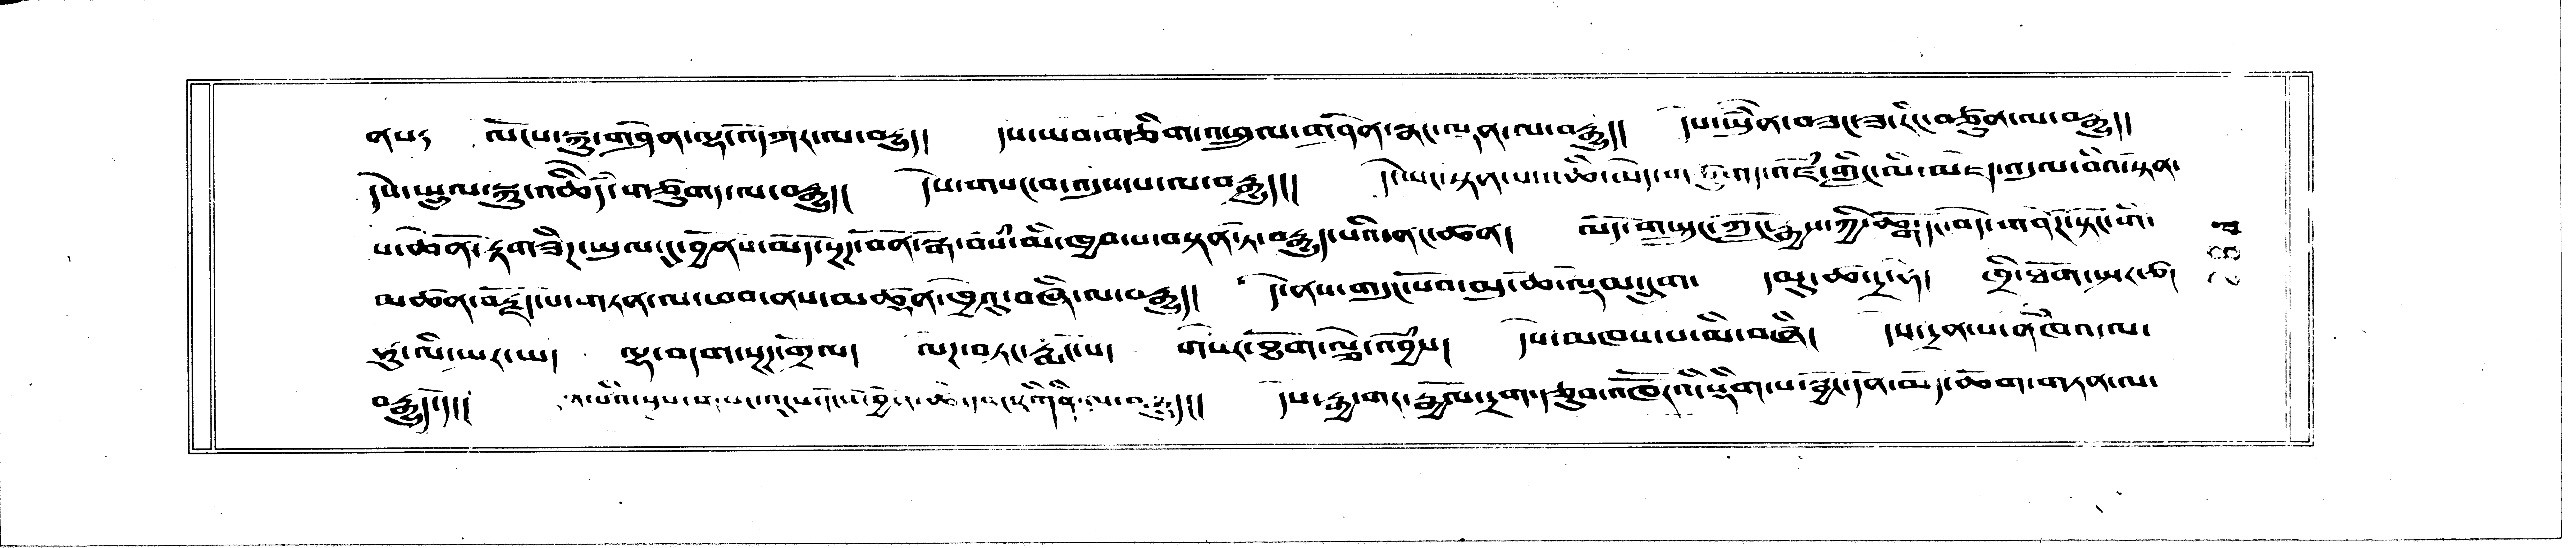ནས། ལོངས་སྐུ་གཤེན་ལྷ་འོད་དཀར་ལ་བརྒྱུད། དེས་ཡབ་གཅིག་འཕྲུལ་གཤེན་སྣང་ལྡན་ལ་བརྒྱུད། དེས་ཡུམ་ཆེན་བཟང་ཟ་རིང་བཙུན་ལ་བརྒྱུད།
 དེས་སྤྲུལ་སྐུ་འཆི་མེད་གཙུག་ཕུད་ལ་བརྒྱུད། དེས་གསང་བ་འདུས་པ་ལ་བརྒྱུད། དེ་ཡང་སྟོན་པ་འཆི་མེད་གཙུག་ཕུད་འཛམ་གླིང་མི་མཇེད་འདུལ་བའི་སྟོན་
པ་ཆེན་པོ་རྟག་གཟིགས་ཡུལ་དུ་བྱོན་ནས་མདོ་སྔགས་བོན་སྒོ་བསམ་མི་ཁྱབ་པ་བསྟན་ཏེ་བརྒྱུད་པའི་ནང་ཚན། མདོ་གཡུང་དྲུང་ཀློང་རྒྱས་ཀྱི་ཆོ་ག་དང་བདེར་གཤེགས་སྟོང་གི་
མཚན་བརྗོད་པ་གཏན་ལ་ཕབ་ནས་མཚན་ལྡན་ཁྱེའི་བཞི་ལ་བརྒྱུད། དེ་ནས་གདུང་སོབ་མུ་ཆོ་ལྡེམ་དྲུག དམུ་ཙ་ཏྲ་ཧེ། ཁྲི་ཐོག་སྤར་ཙ། 
ཧུ་ལི་སྤར་ཡ། ལྷ་བདག་སྔགས་གྲོལ། ལེགས་བཏང་རྨང་པོ། གསེར་ཐོག་ལྕེ་འབྱམས། དེས་མཁས་པ་མི་བཞི། དེས་དྲན་པ་ནམ་མཁའ་ལ་
བརྒྱུད་དོ། །དེས་རྒྱ་གར་རྒྱལ་པོ་དྲག་རྩུབ་འཁོར་ལོའི་སྡིག་པ་སྦྱང་དོན་མདོ་ཆོག་གཏན་ལ་